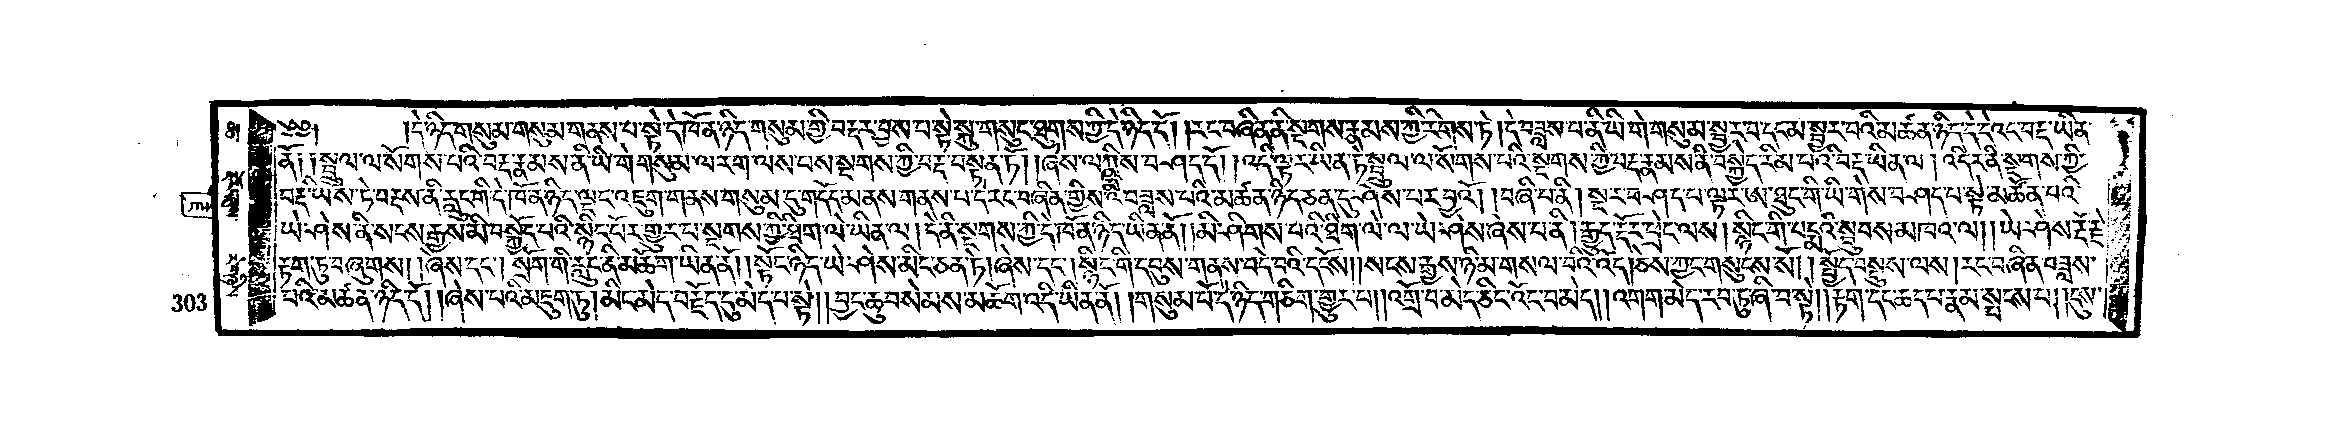༄༅། །དེ་ཉིད་གསུམ་གསུམ་གནས་པ་སྟེ་དེ་ཁོ་ན་ཉིད་གསུམ་གྱི་བརྡར་བྱས་པ་སྟེ་སྐུ་གསུང་ཐུགས་ཀྱི་དེ་ཉིད་དོ། །རང་བཞིན་ནི་སྔགས་རྣམས་ཀྱི་རིགས་ཏེ། དེ་བཟླས་པ་ནི་ཡི་གེ་གསུམ་སྦྱར་བ་དང་མ་སྦྱར་བའི་མཚན་ཉིད་དེ་དེའང་བརྡ་ཡིན་
ནོ། །སྦྲུལ་ལ་སོགས་པའི་བརྡ་རྣམས་ནི་ཡི་གེ་གསུམ་ལ་རག་ལས་པས་སྔགས་ཀྱི་བརྡ་བསྟན་ཏོ། །ཞེས་ལཀྵྨཱིས་བཤད་དོ། །འདི་ལྟར་ཡིན་ཏེ་སྦྲུལ་ལ་སོགས་པའི་སྔགས་ཀྱི་བརྡ་རྣམས་ནི་བསྐྱེད་རིམ་པའི་བརྡ་ཡིན་ལ། འདིར་ནི་སྔགས་ཀྱི་
བརྡ་ཡིས་ཏེ་བརྡས་ནི་རླུང་གི་དེ་ཁོ་ན་ཉིད་ལྡང་འཇུག་གནས་གསུམ་དུ་གདོད་མ་ནས་གནས་པ་དེ་རང་བཞིན་གྱིས་བཟླས་པའི་མཚན་ཉིད་ཅན་དུ་ཤེས་པར་བྱའོ། །བཞི་པ་ནི། སྔར་བཤད་པ་ལྟར་ཨ་ཐུང་གི་ཡི་གེས་བཤད་པ་སྟེ་མཚོན་པའི་
ཡེ་ཤེས་ནི་སངས་རྒྱས་མི་བསྐྱོད་པའི་སྙིང་པོར་གྱུར་པ་སྔགས་ཀྱི་ཐིག་ལེ་ཡིན་ལ། དེ་ནི་སྔགས་ཀྱི་དེ་ཁོ་ན་ཉིད་ཡིན་ནོ། །མི་ཤིགས་པའི་ཐིག་ལེ་ལ་ཡེ་ཤེས་ཞེས་པ་ནི། རྒྱུད་རྡོར་ཕྲེང་ལས། སྙིང་གི་པདམའི་སྦུབས་མཁའ་ལ། །ཡེ་ཤེས་རྡོ་རྗེ་
རྟག་ཏུ་བཞུགས། །ཞེས་དང་། སྲོག་གི་རླུང་ནི་མཆོག་ཡིན་ནོ། །སྟོང་ཉིད་ཡེ་ཤེས་མིང་ཅན་ཏེ། ཞེས་དང་། སྙིང་གི་དབུས་གནས་བདེ་བའི་དངོས། །སངས་རྒྱས་ཉི་མ་གསལ་བའི་འོད། ཅེས་ཀྱང་གསུངས་སོ། །སྤྱོད་བསྡུས་ལས། རང་བཞིན་བཟླས་
པའི་མཚན་ཉིད་དོ། །ཞེས་པའི་མཇུག་ཏུ། མིང་མེད་བརྗོད་དུ་མེད་པ་སྟེ། །བྱང་ཆུབ་སེམས་མཆོག་འདི་ཡིན་ནོ། །གསུམ་པོ་དེ་ཉིད་གཅིག་གྱུར་པ། །འགྲོ་བ་མེད་ཅིང་འོང་བ་མེད། །འགག་མེད་རབ་ཏུ་ཞི་བ་སྟེ། །རྟག་དང་ཆད་པ་རྣམ་སྤངས་པ། །དུས་